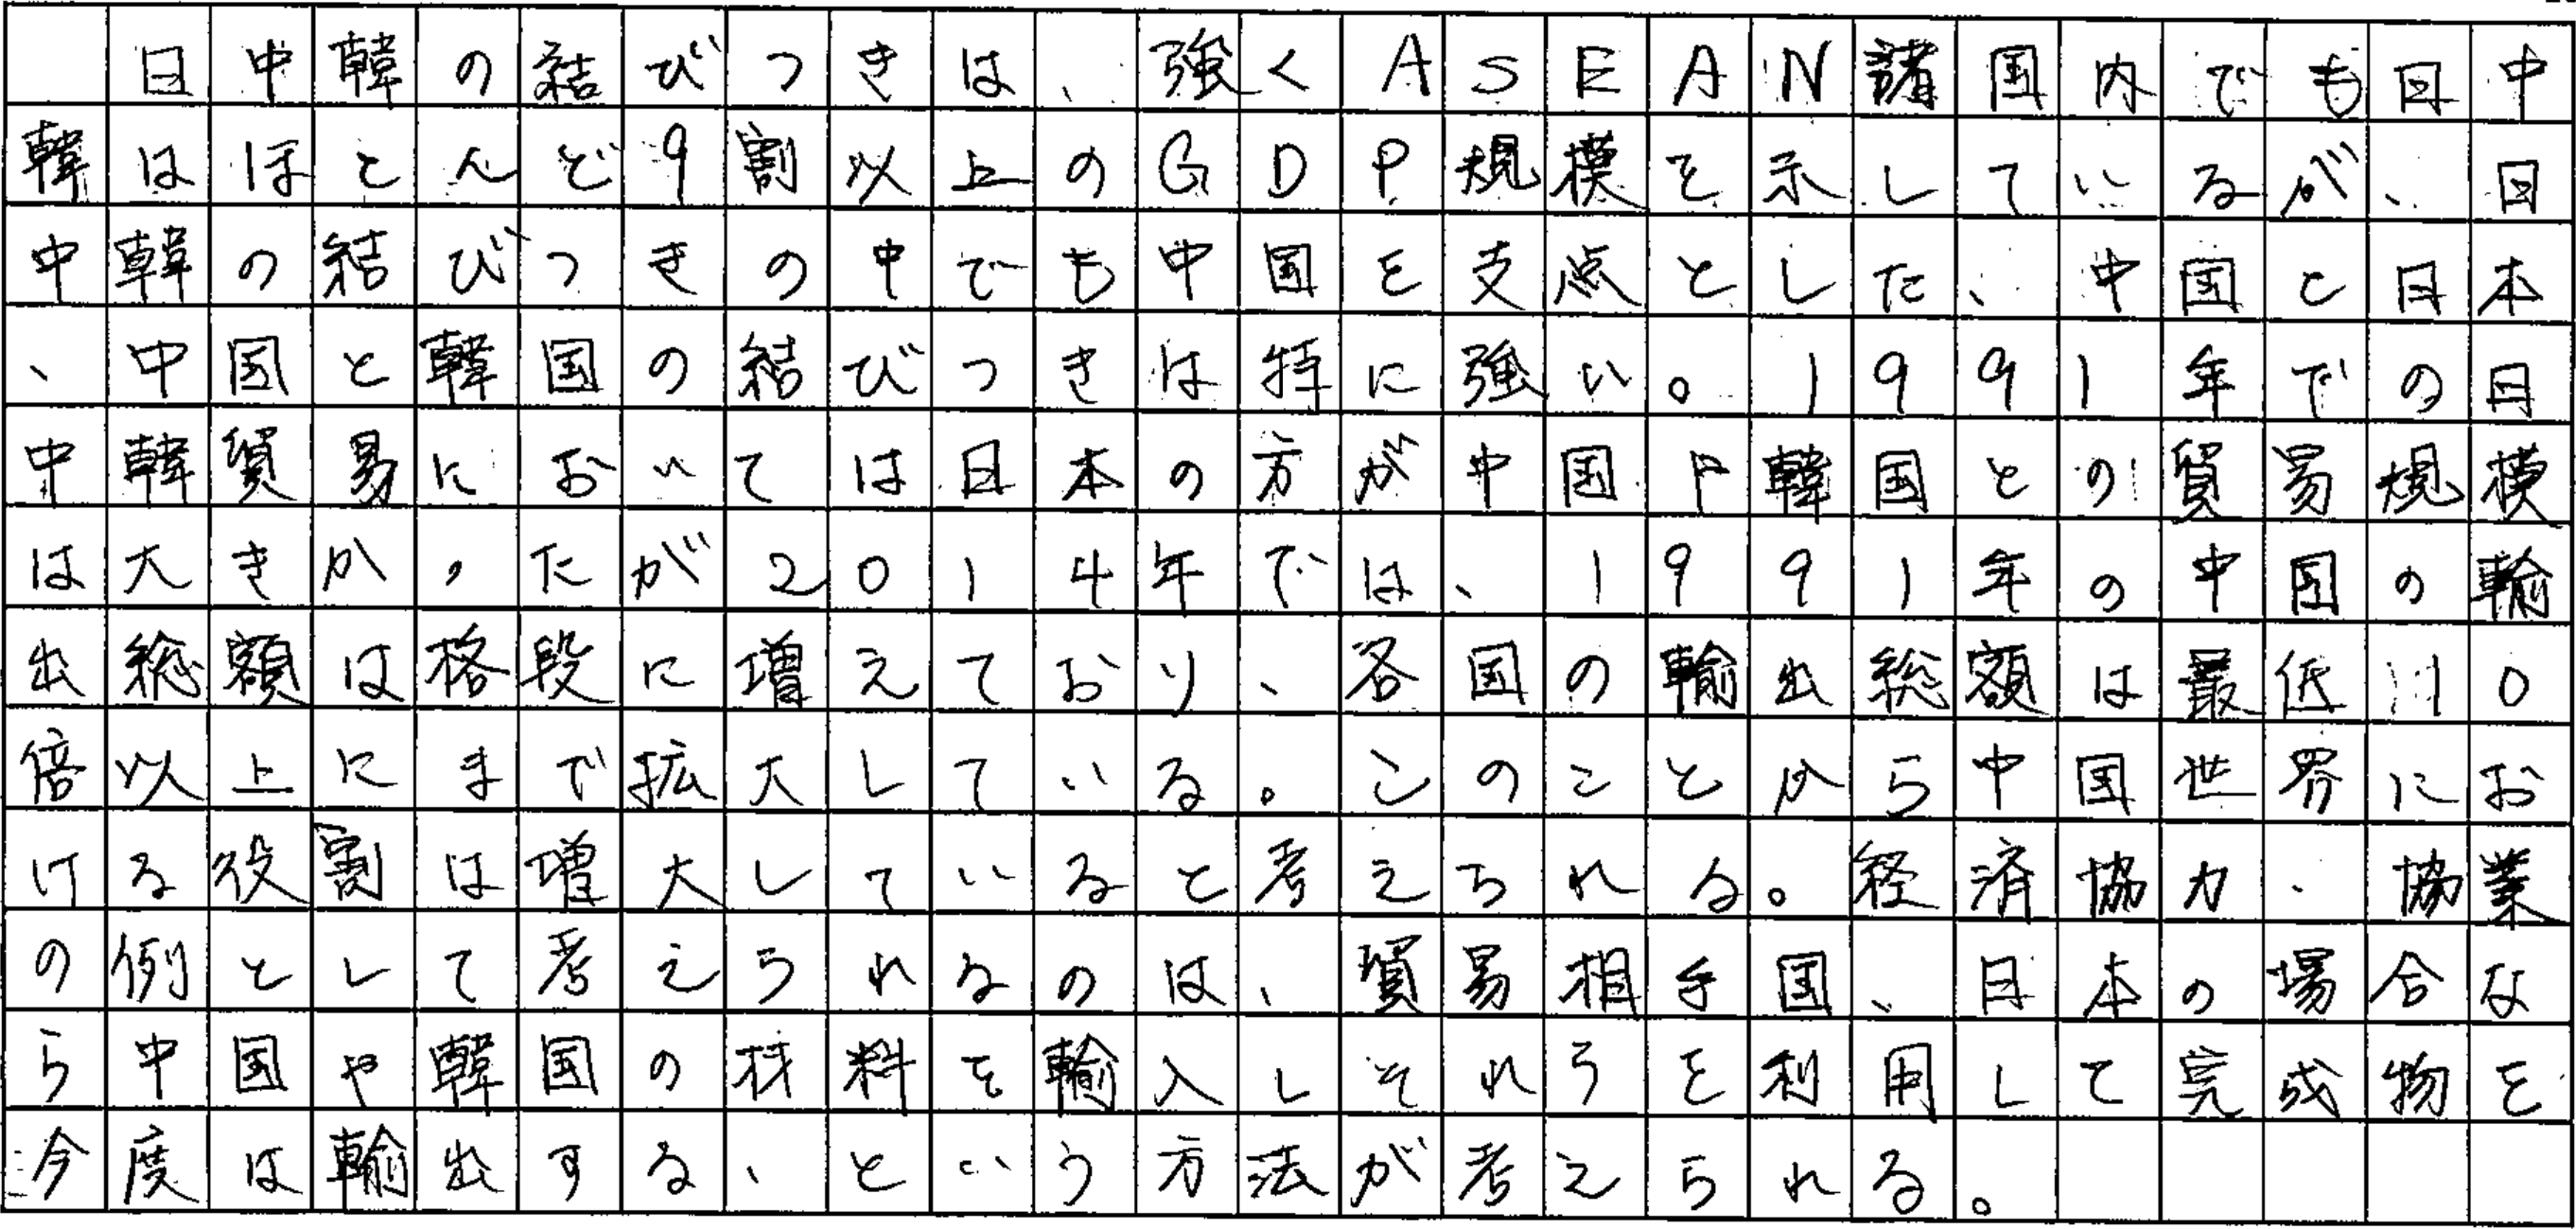　日中韓の結びつきは、強くＡＳＥＡＮ諸国内でも日中韓はほとんど９割以上のＧＤＰ規模を示しているが、日中韓の結びつきの中でも中国を支点とした、中国と日本、中国と韓国の結びつきは特に強い。１９９１年での日中韓貿易においては日本の方が中国や韓国との貿易規模は大きかったが２０１４年では、１９９１年の中国の輸出総額は格段に増えており、各国の輸出総額は最低１０倍以上にまで拡大している。このことから中国世界における役割は増大していると考えられる。経済協力・協業の例として考えられるのは、貿易相手国、日本の場合なら中国や韓国の材料を輸入しそれらを利用して完成物を今度は輸出する、という方法が考えられる。
